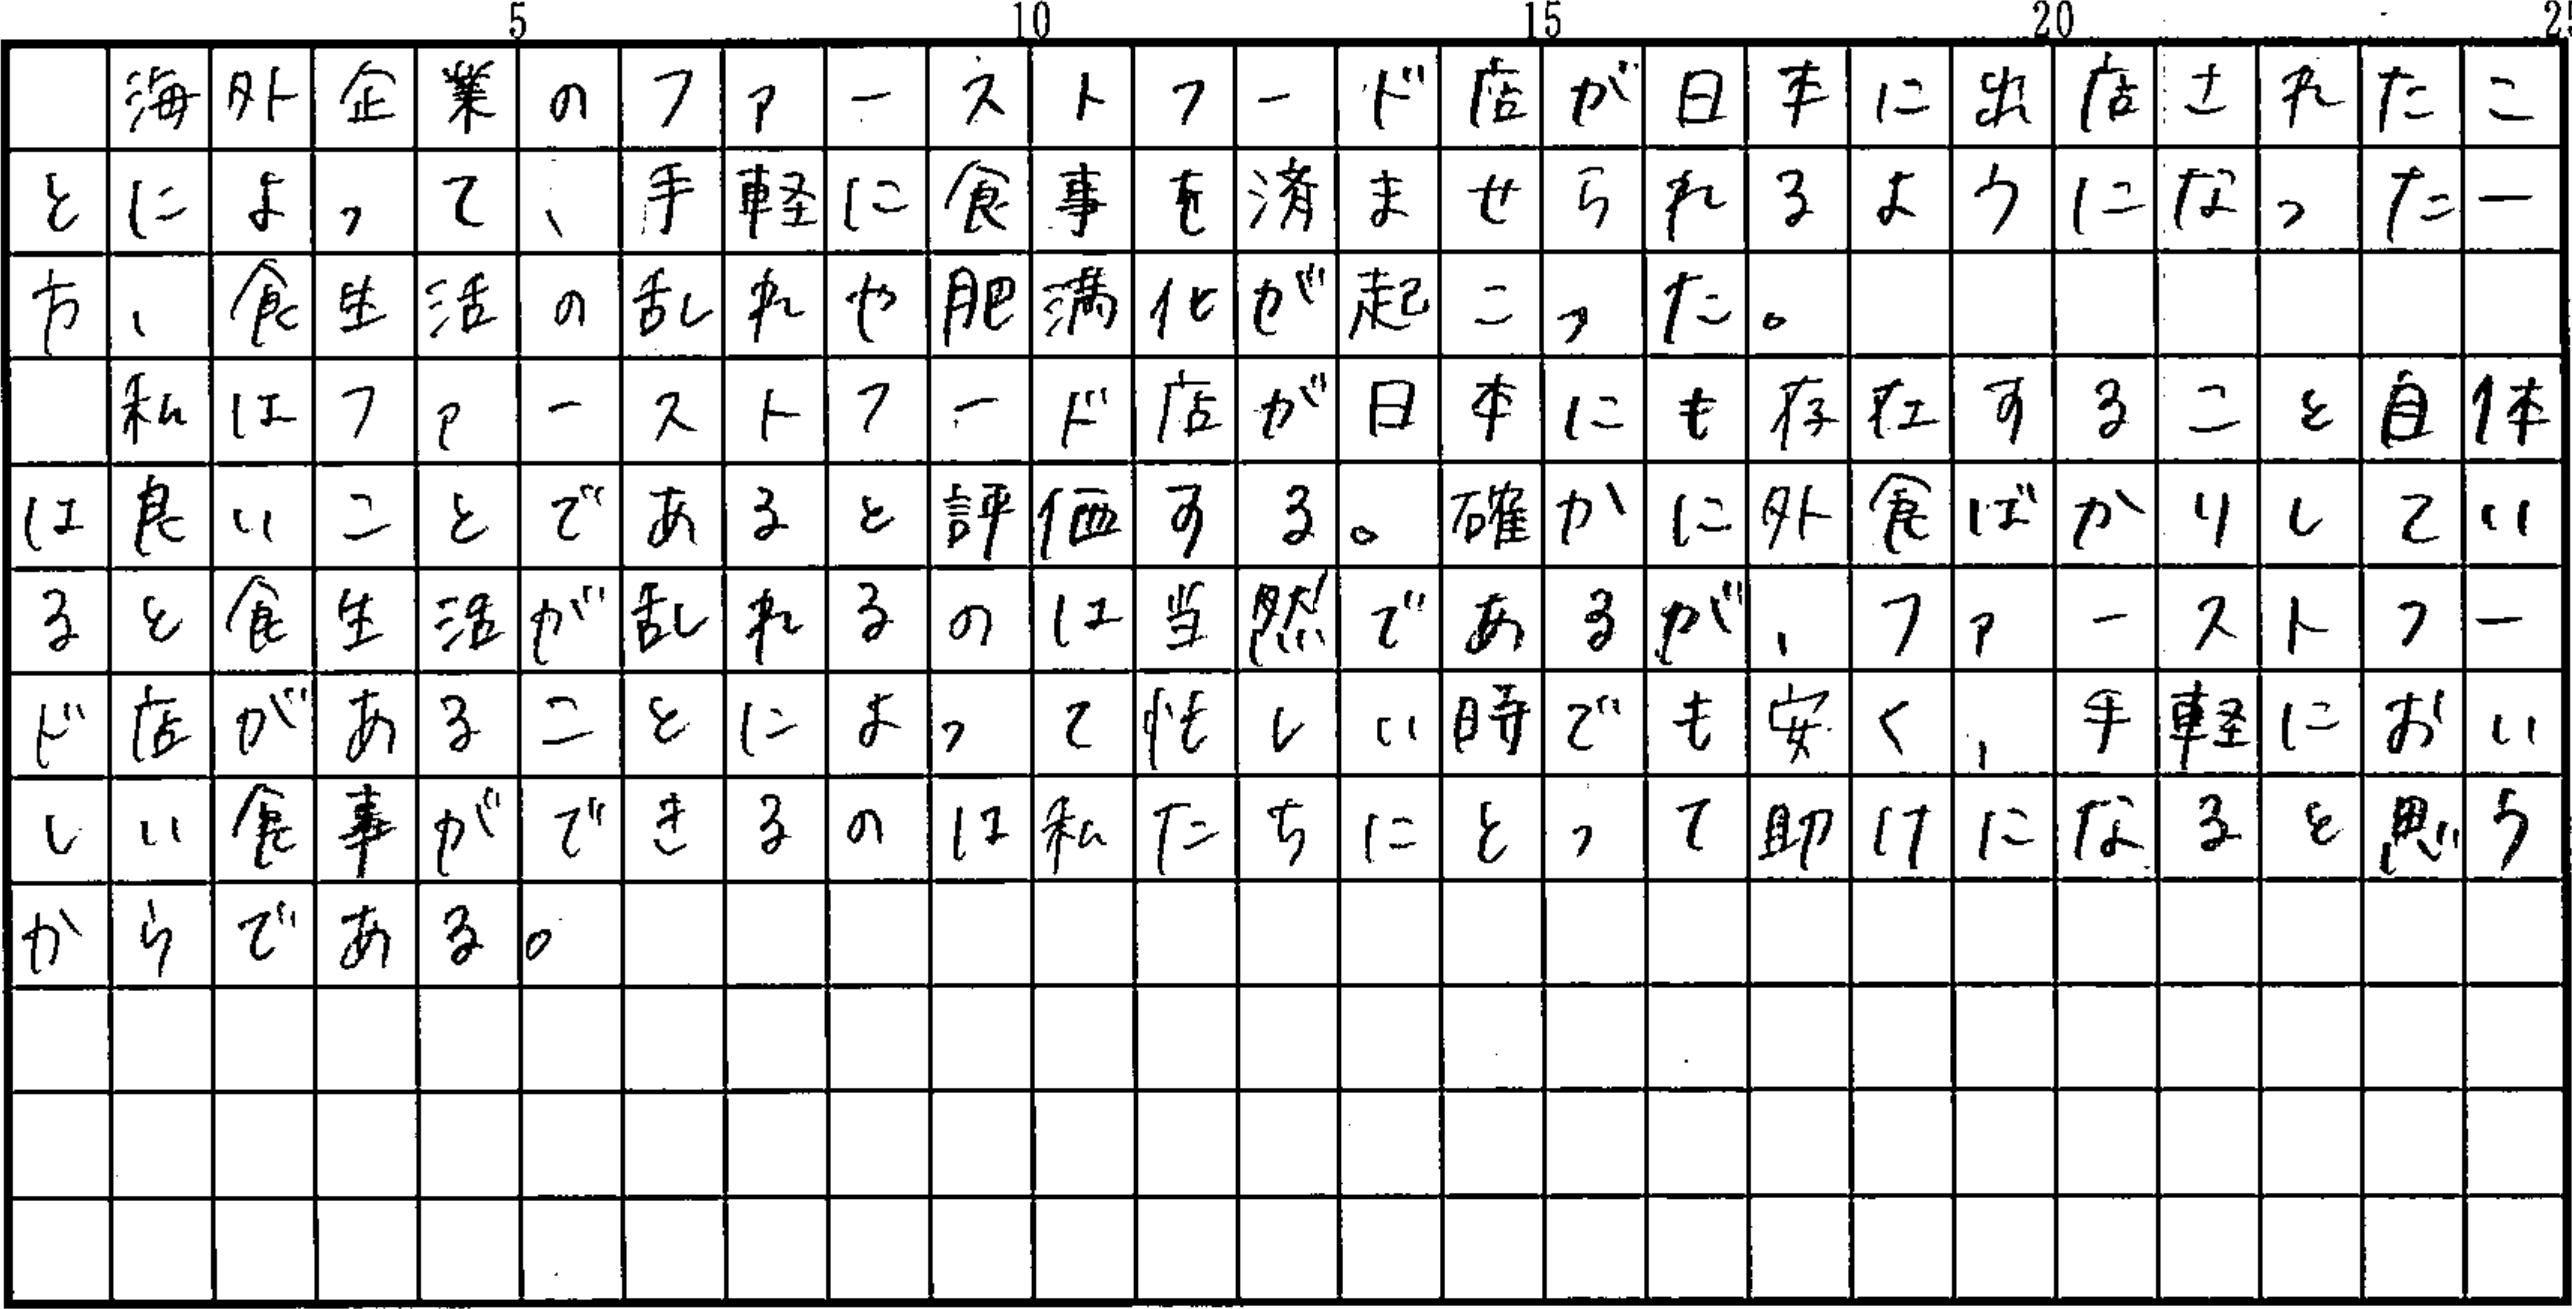　海外企業のファーストフード店が日本に出店されたことによって、手軽に食事を済ませられるようになった一方、食生活の乱れや肥満化が起こった。
　私はファーストフード店が日本にも存在すること自体は良いことであると評価する。確かに外食ばかりしていると食生活が乱れるのは当然であるが、ファーストフード店があることによって忙しい時でも安く、手軽においしい食事ができるのは私たちにとって助けになると思うからである。
